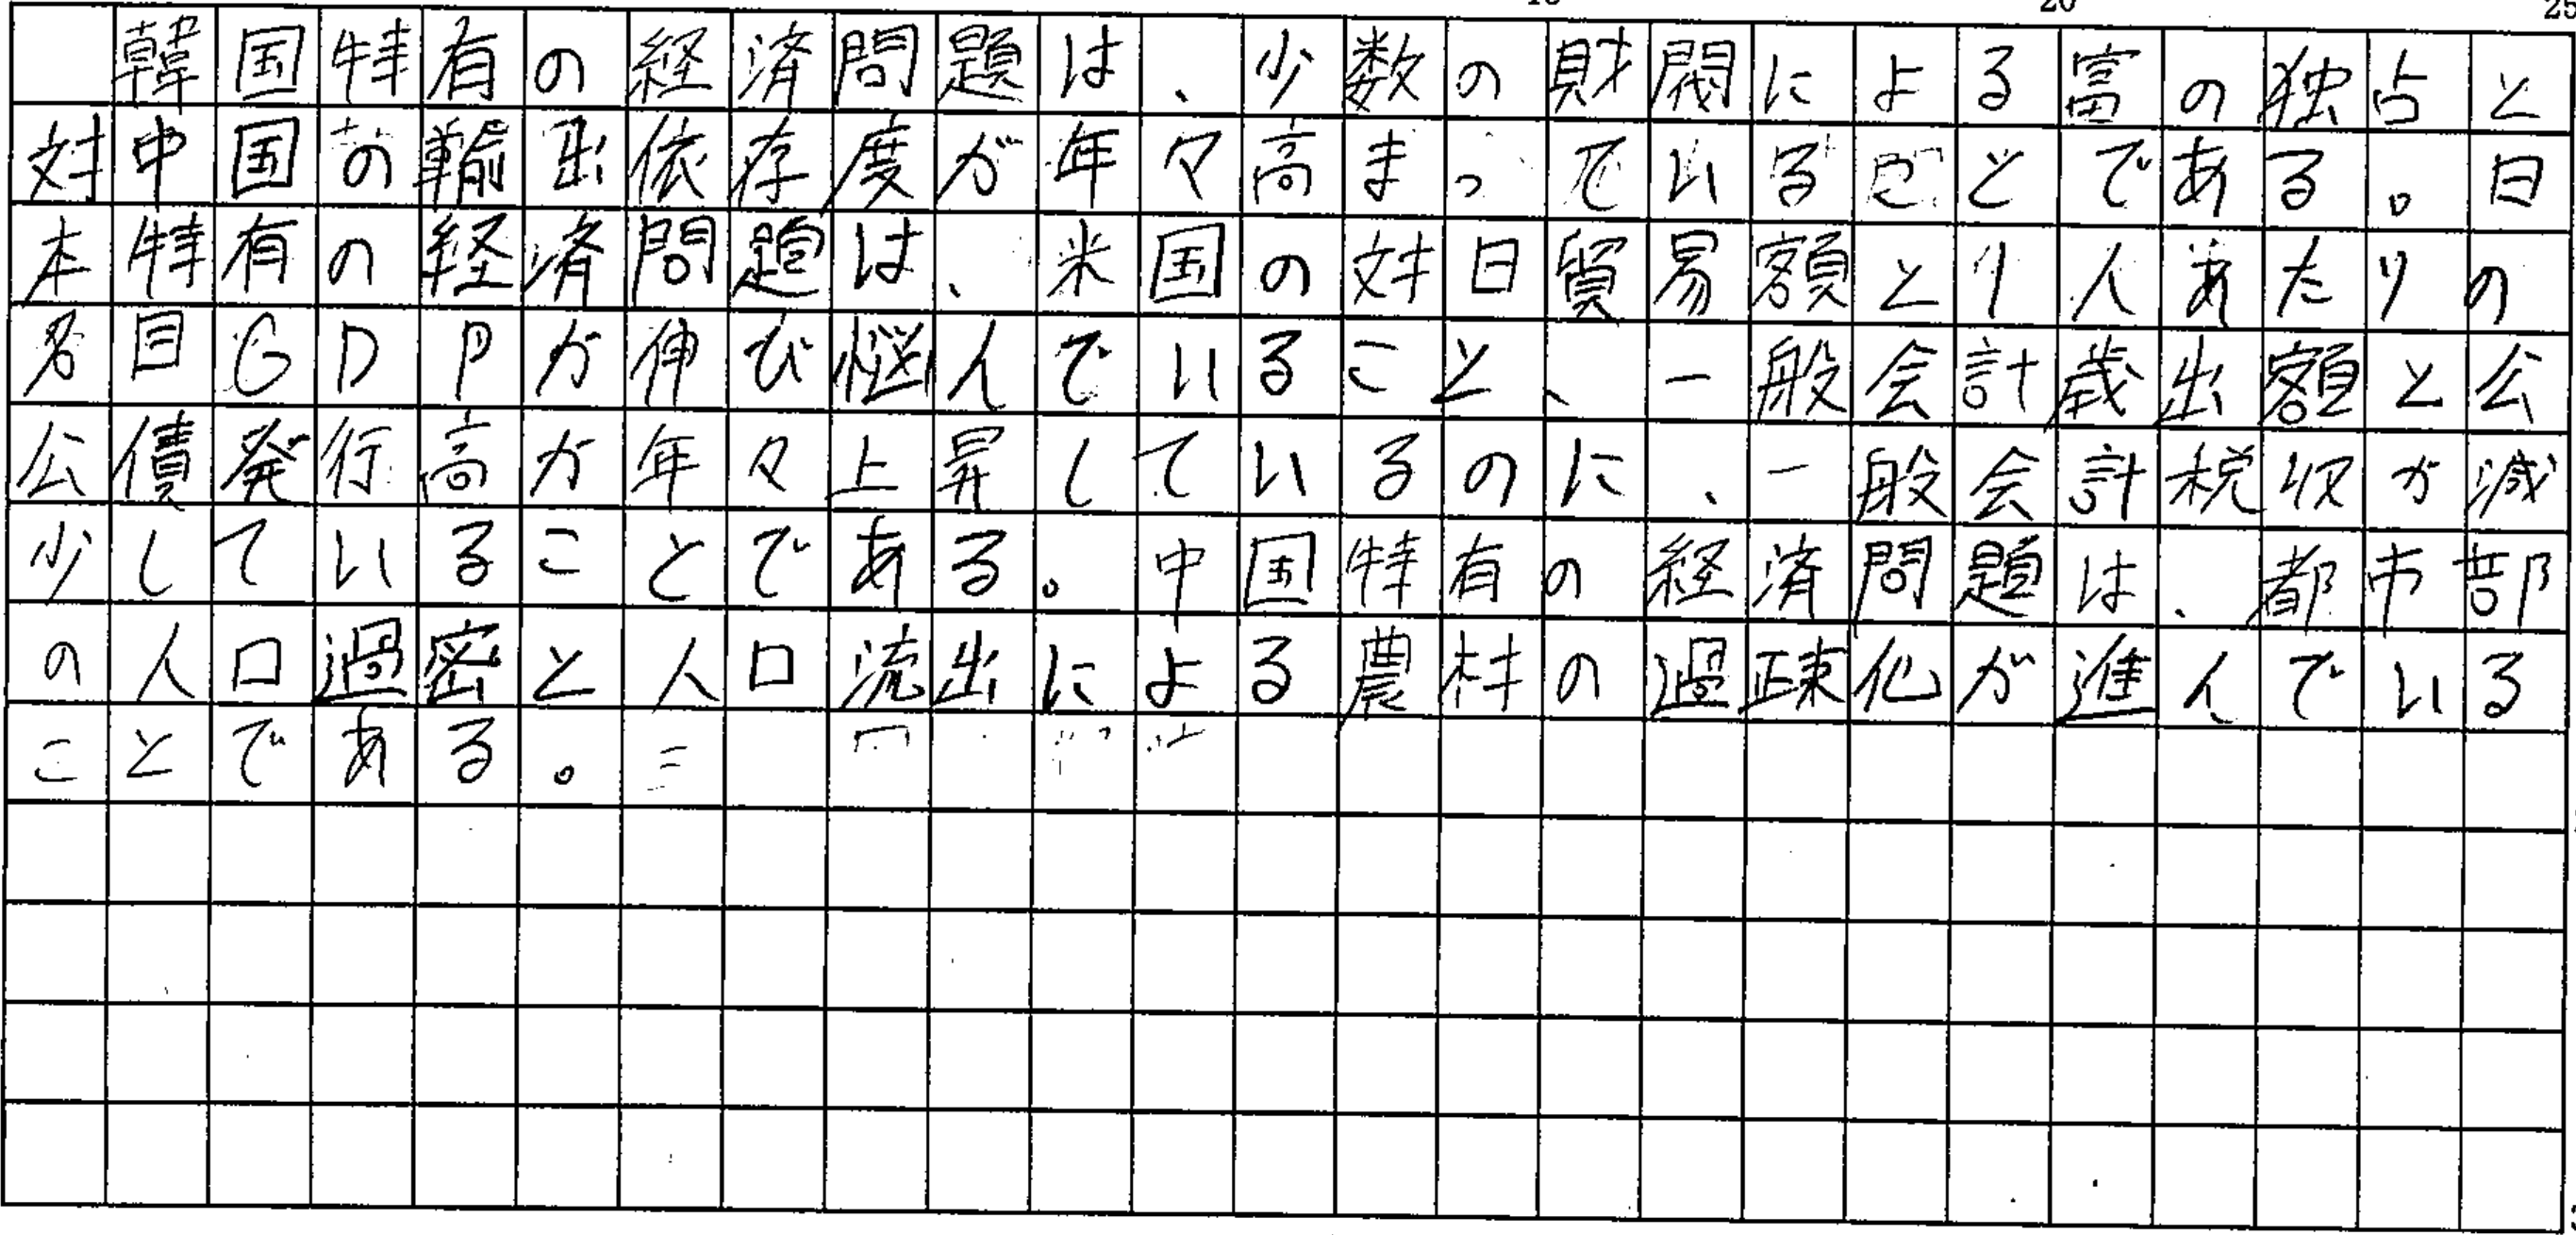　韓国特有の経済問題は、少数の財閥による富の独占と対中国の輸出依存度が年々高まっていることである。日本特有の経済問題は、米国の対日貿易額と１人あたりの名目ＧＤＰが伸び悩んでいること、一般会計歳出額と公公債発行高が年々上昇しているのに、一般会計税収が減少していることである。中国特有の経済問題は、都市部の人口過密と人口流出による農村の過疎化が進んでいることである。
